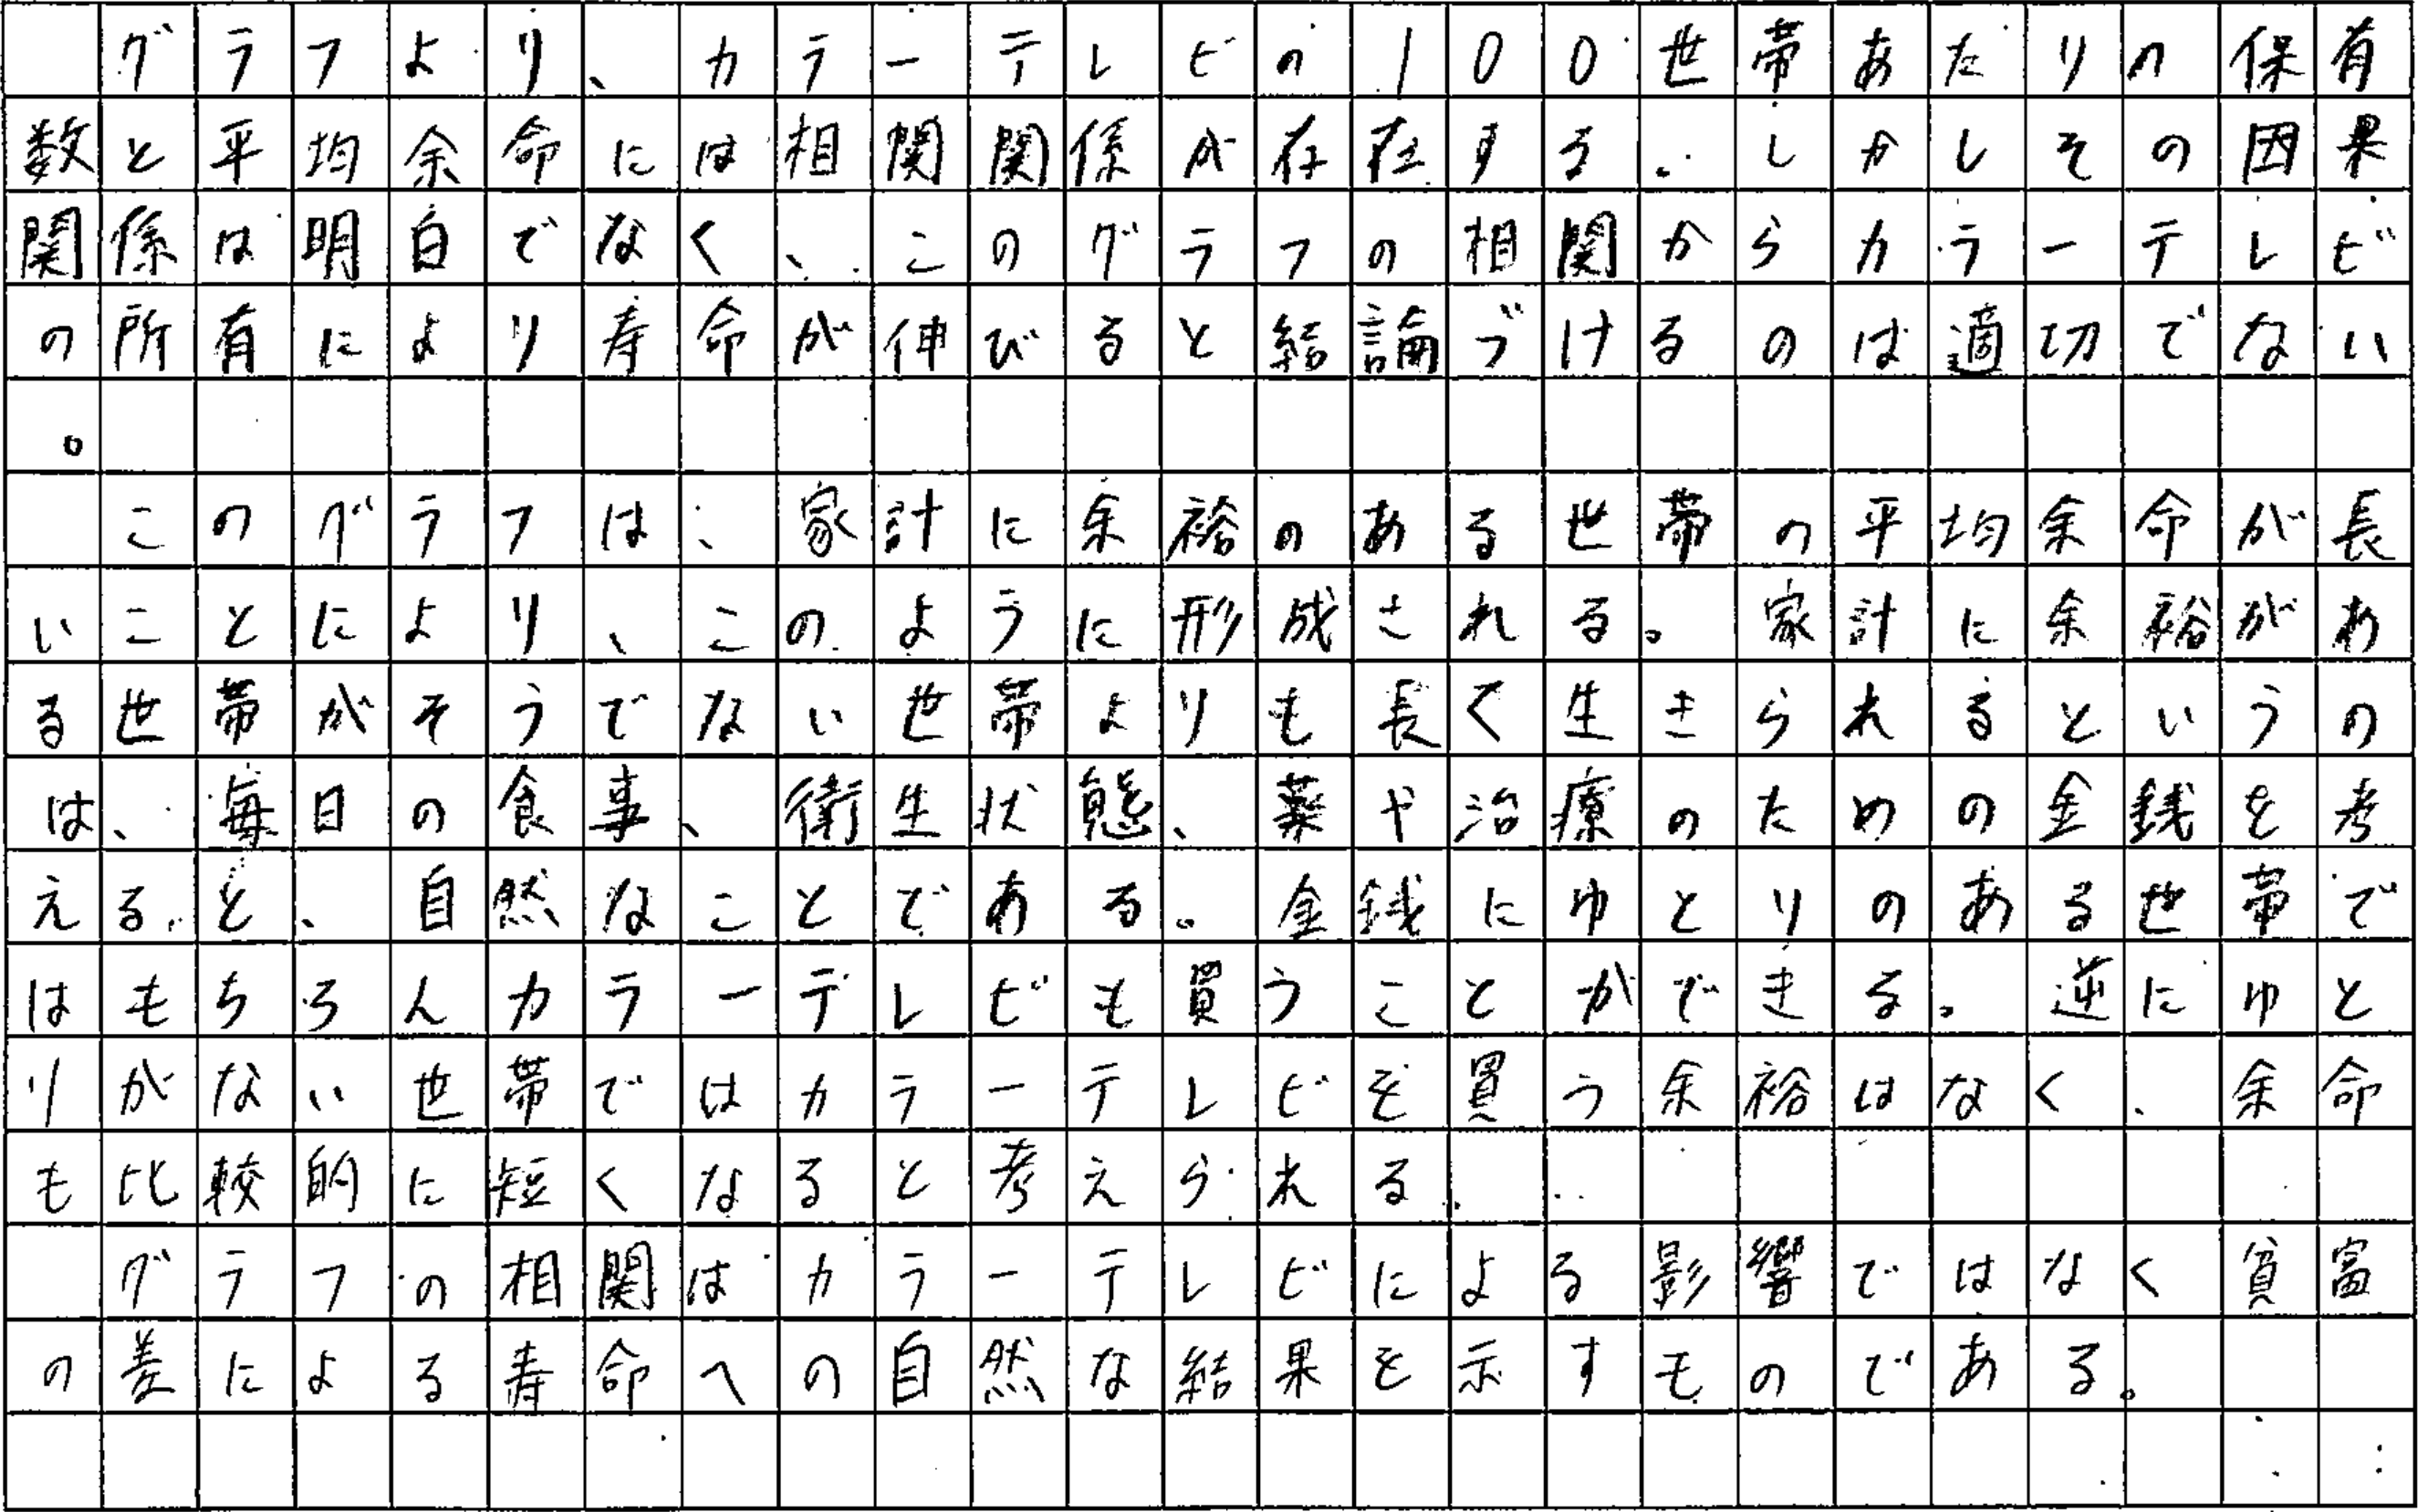　グラフより、カラーテレビの１００世帯あたりの保有数と平均余命には相関関係が存在する。しかしその因果関係は明白でなく、このグラフの相関からカラーテレビの所有により寿命が伸びると結論づけるのは適切でない。
　このグラフは、家計に余裕のある世帯の平均余命が長いことにより、このように形成される。家計に余裕がある世帯がそうでない世帯よりも長く生きられるというのは、毎日の食事、衛生状態、薬や治療のための金銭を考えると、自然なことである。金銭にゆとりのある世帯ではもちろんカラーテレビも買うことができる。逆にゆとりがない世帯ではカラーテレビを買う余裕はなく、余命も比較的に短くなると考えられる。
　グラフの相関はカラーテレビによる影響ではなく貧富の差による寿命への自然な結果を示すものである。
